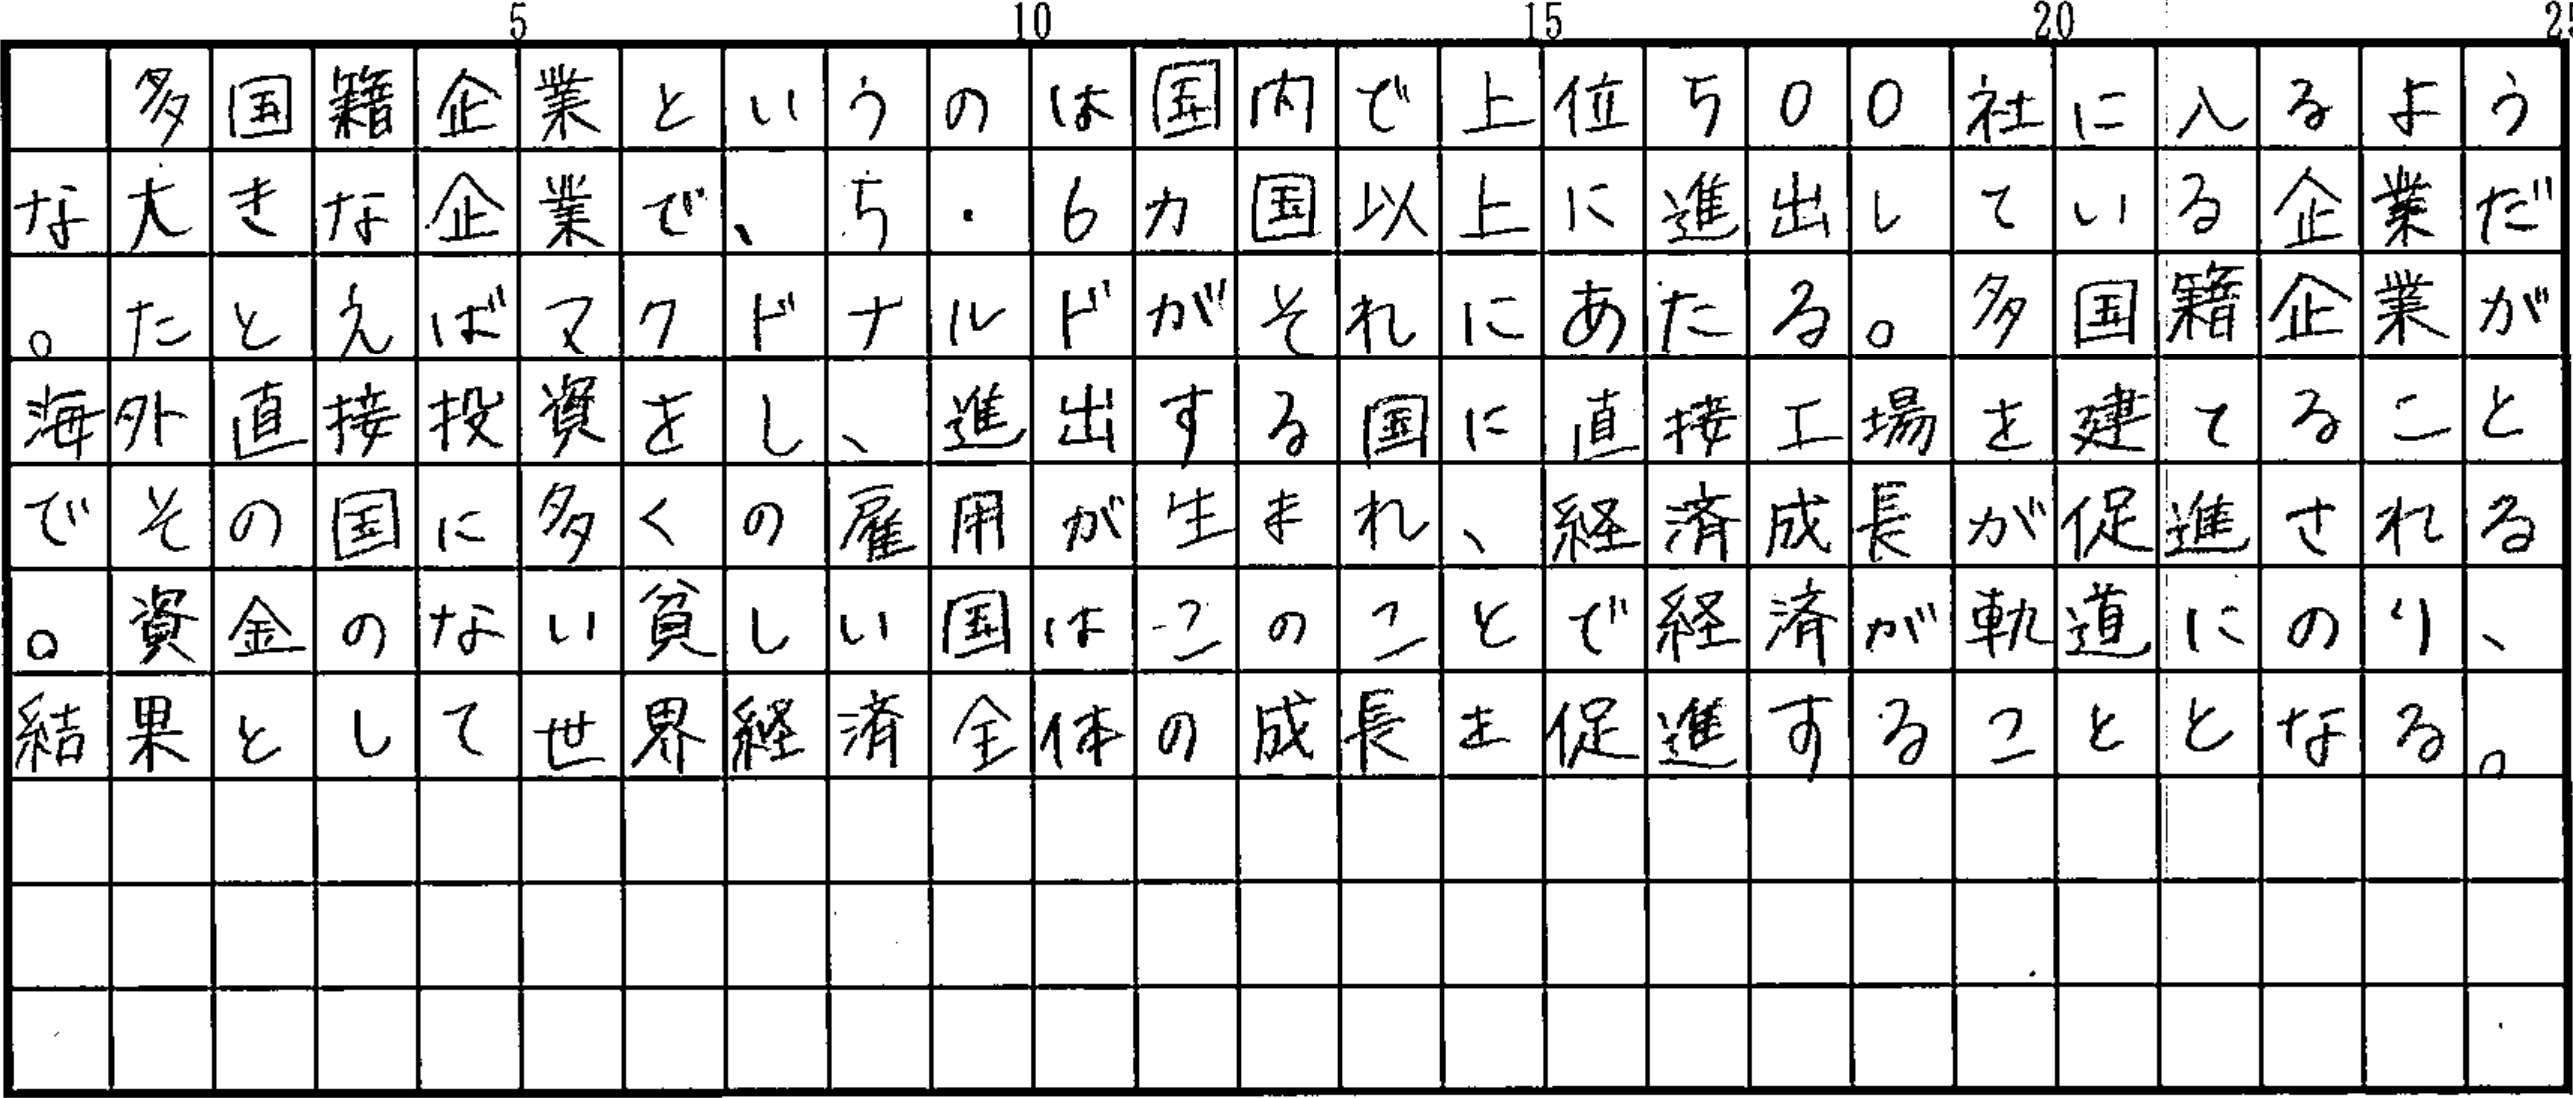　多国籍企業というのは国内で上位５００社に入るような大きな企業で、５・６カ国以上に進出している企業だ。たとえばマクドナルドがそれにあたる。多国籍企業が海外直接投資をし、進出する国に直接工場を建てることでその国に多くの雇用が生まれ、経済成長が促進される。資金のない貧しい国はこのことで経済が軌道にのり、結果として世界経済全体の成長を促進することとなる。
